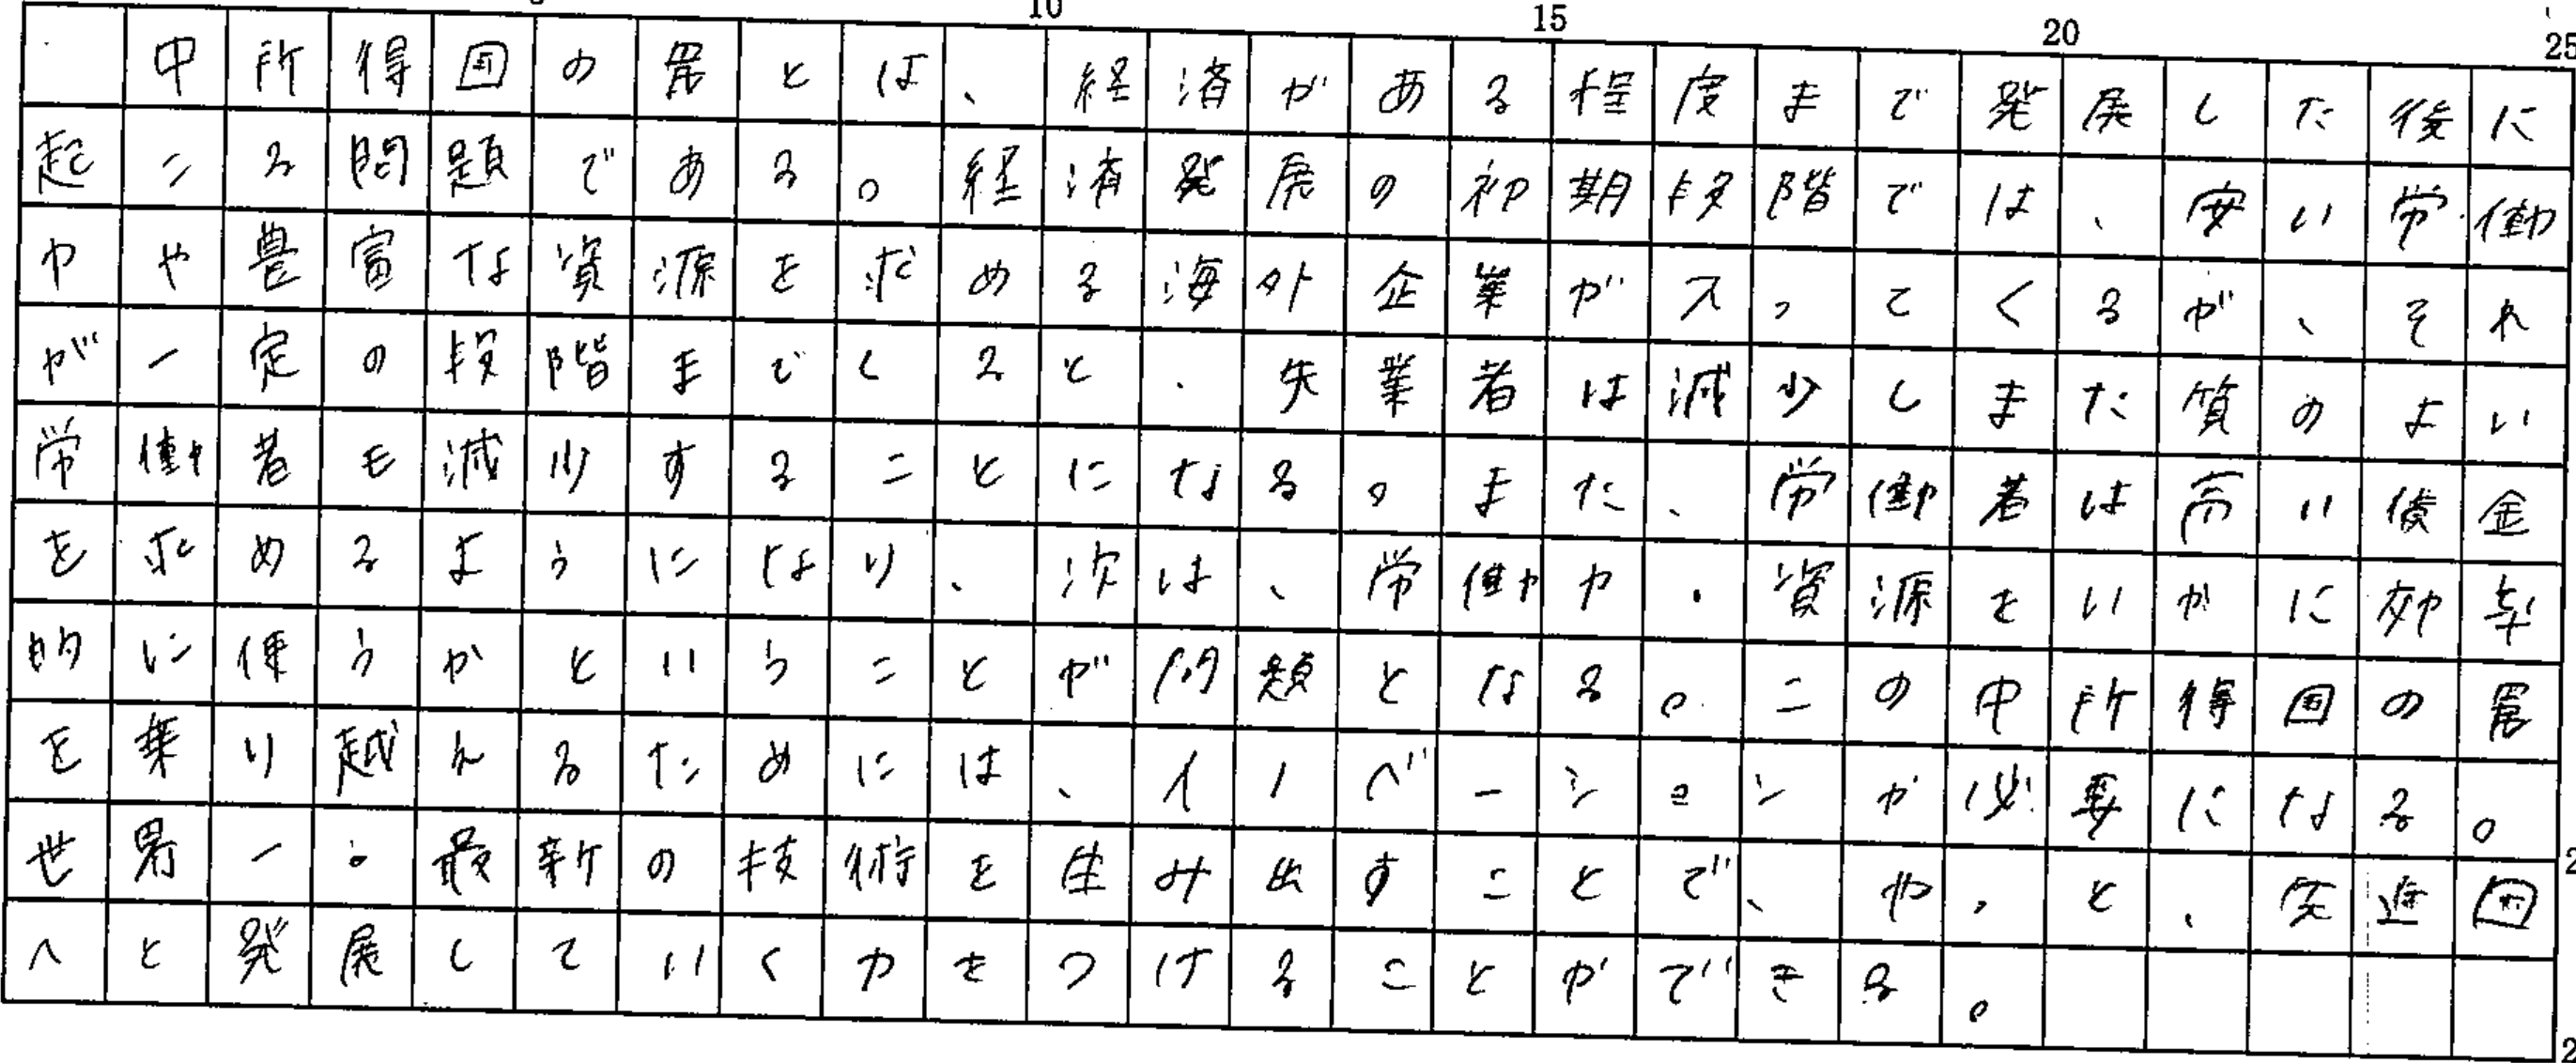　中所得国の罠とは、経済がある程度まで発展した後に起こる問題である。経済発展の初期段階では、安い労働力や豊富な資源を求める海外企業が入ってくるが、それが一定の段階までくると、失業者は減少しまた質のよい労働者も減少することになる。また、労働者は高い賃金を求めるようになり、次は、労働力・資源をいかに効率的に使うかということが問題となる。この中所得国の罠を乗り越えるためには、イノベーションが必要になる。世界一・最新の技術を生み出すことで、やっと、先進国へと発展していく力をつけることができる。
